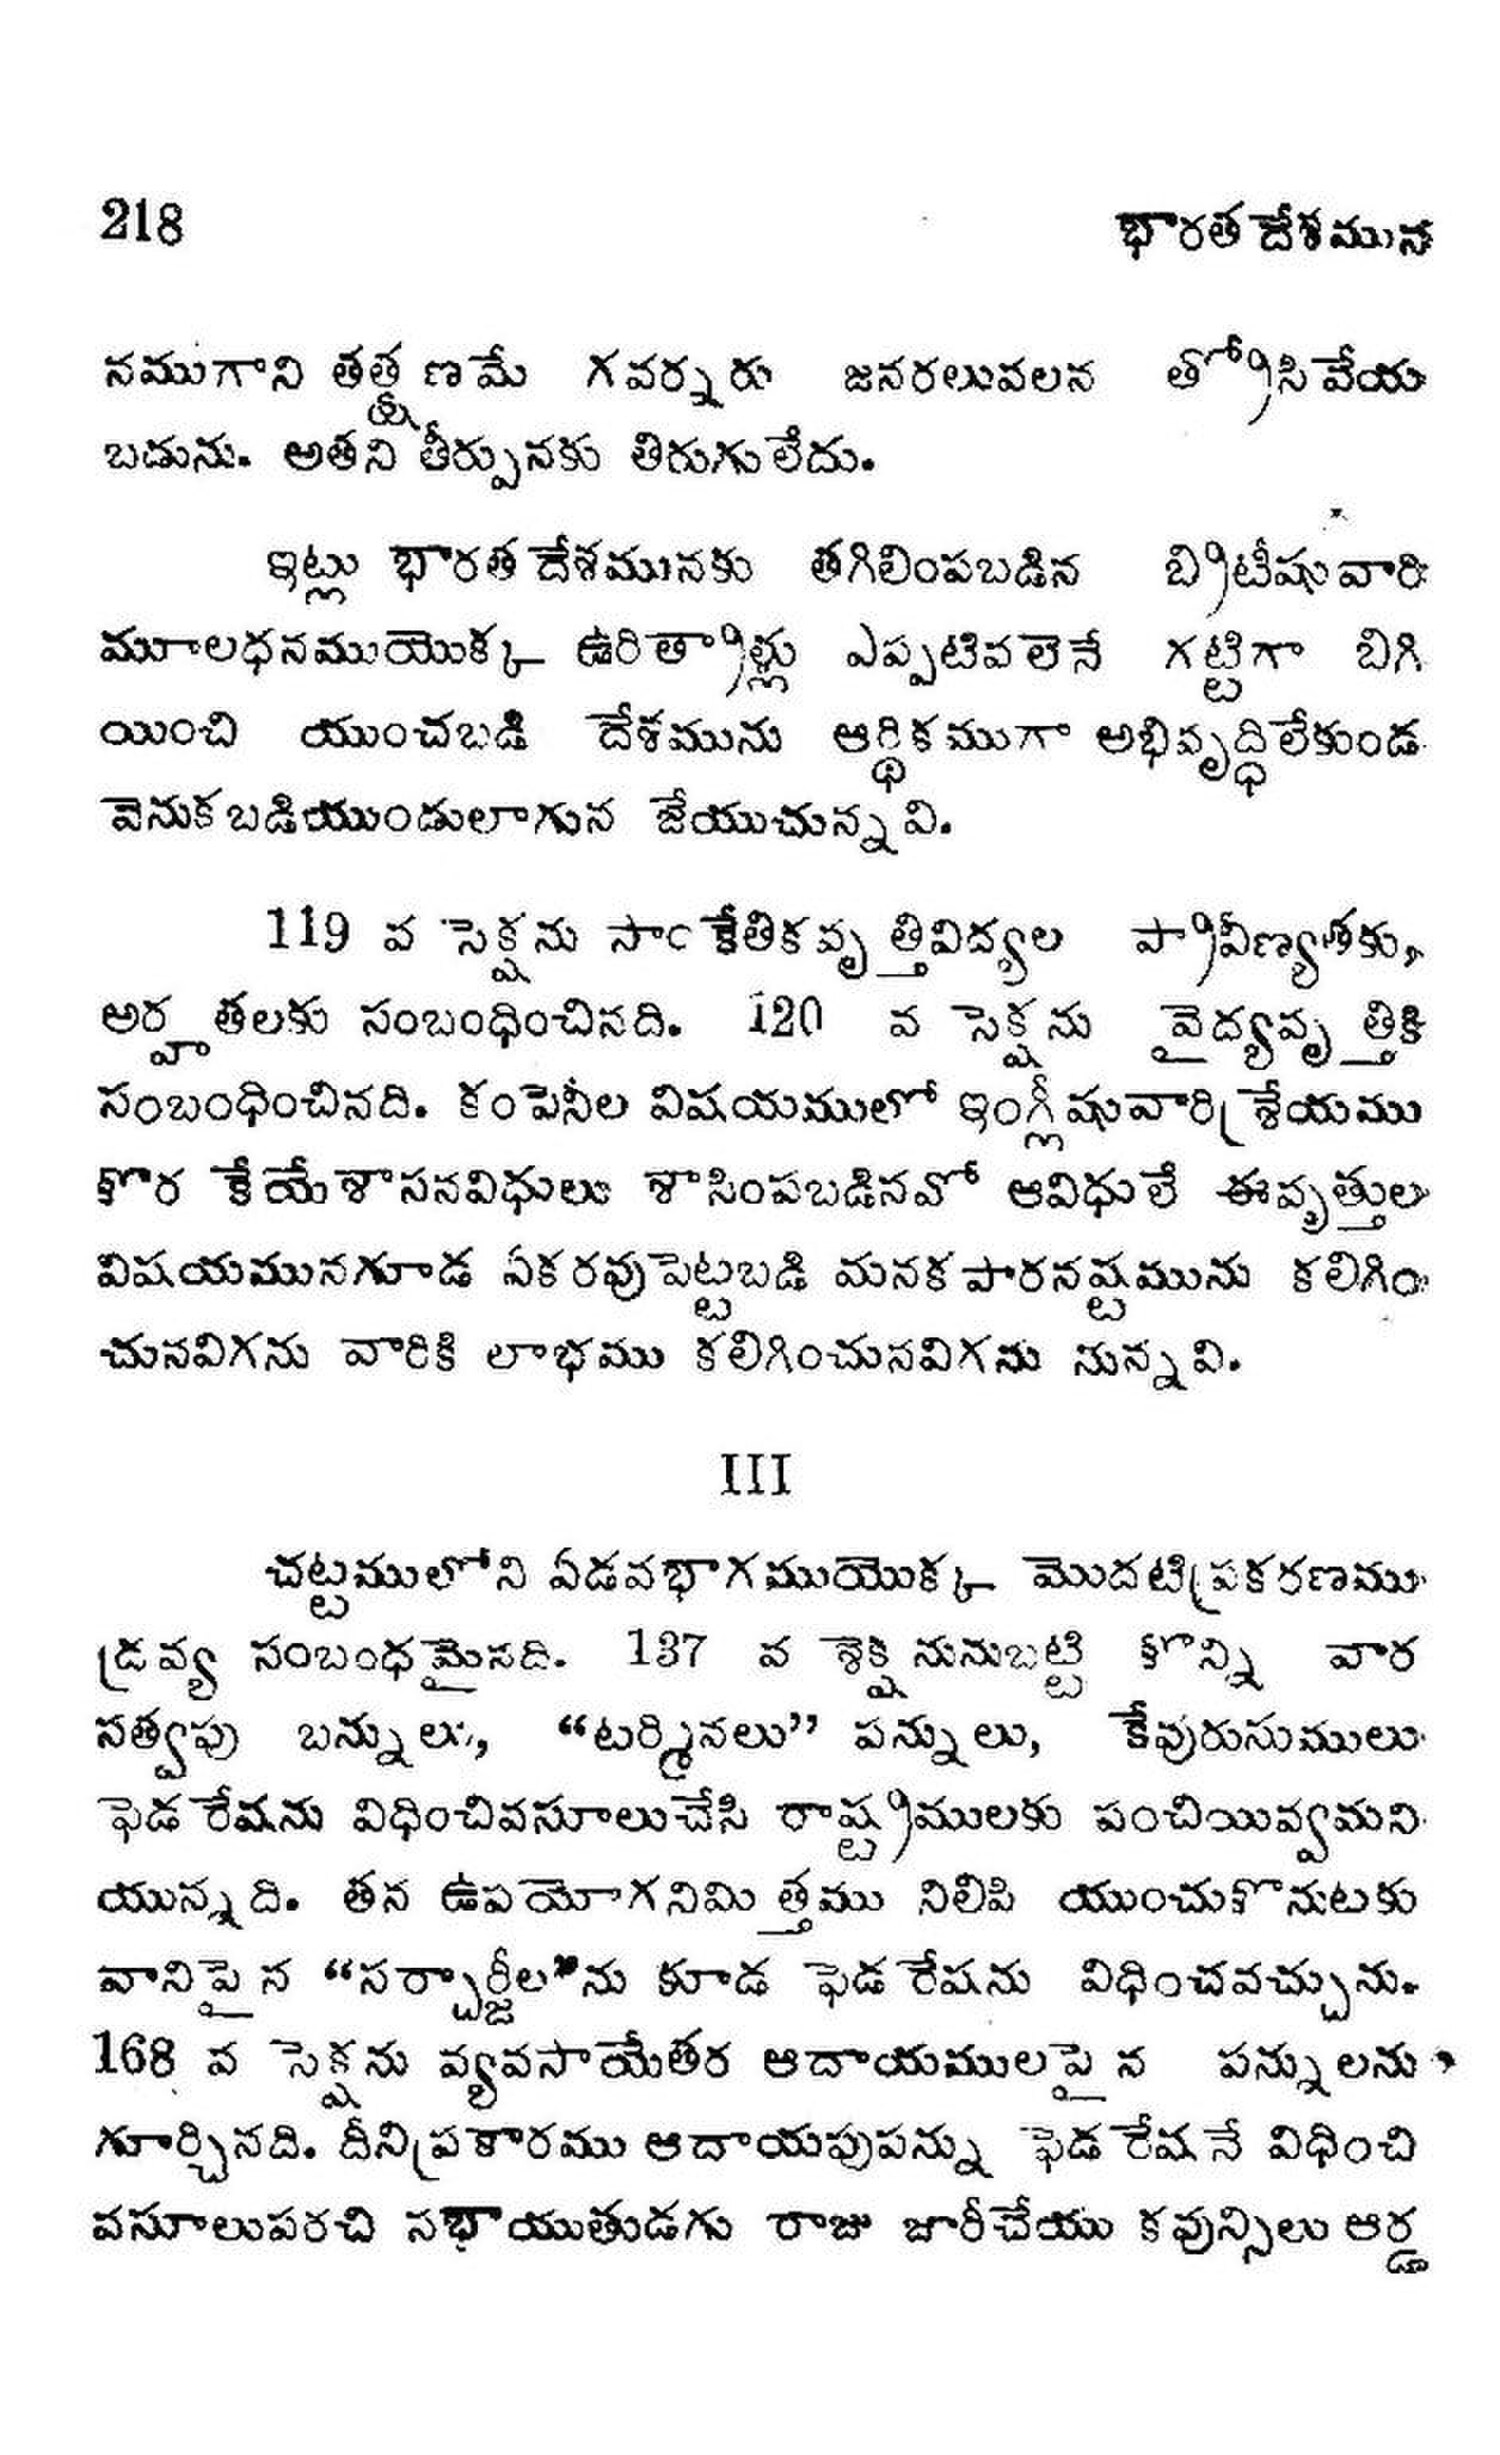నముగాని తత్క్షణమే గవర్నరు జనరలువలన త్రోసివేయబడును. అతని తీర్పునకు తిరుగులేదు.

ఇట్లు భారతదేశమునకు తగిలింపబడిన బ్రిటీషువారి మూలధనముయొక్క ఉరిత్రాళ్లు ఎప్పటివలెనే గట్టిగా బిగియించి యుంచబడి దేశమును ఆర్థికముగా అభివృద్ధిలేకుండ వెనుకబడియుండులాగున జేయుచున్నవి.

119 వ సెక్షను సాంకేతికవృత్తివిద్యల ప్రావీణ్యతకు, అర్హతలకు సంబంధించినది. 120 వ సెక్షను వైద్యవృత్తికి సంబంధించినది. కంపెనీల విషయములో ఇంగ్లీషువారిశ్రేయముకొర కేయేశాసనవిధులు శాసింపబడినవో ఆవిధులే ఈవృత్తుల విషయమునగూడ ఏకరవుపెట్టబడి మనకపారనష్టమును కలిగించునవిగను వారికి లాభము కలిగించునవిగను నున్నవి.

III 

చట్టములోని ఏడవభాగముయొక్క మొదటిప్రకరణము ద్రవ్య సంబంధమైనది. 137 వ శెక్షనునుబట్టి కొన్ని వారసత్వపు బన్నులు, “టర్మినలు” పన్నులు, కేవురుసుములు ఫెడరేషను విధించివసూలుచేసి రాష్ట్రములకు పంచియివ్వమని యున్నది. తన ఉపయోగనిమిత్తము నిలిపి యుంచుకొనుటకు వానిపైన “సర్చార్జీల"ను కూడ ఫెడరేషను విధించవచ్చును. 168 వ సెక్షను వ్యవసాయేతర ఆదాయములపైన పన్నులను గూర్చినది. దీనిప్రకారము ఆదాయపుపన్ను ఫెడరేషనే విధించి వసూలుపరచి సభాయుతుడగు రాజు జారీచేయు కవున్సిలు ఆర్డ